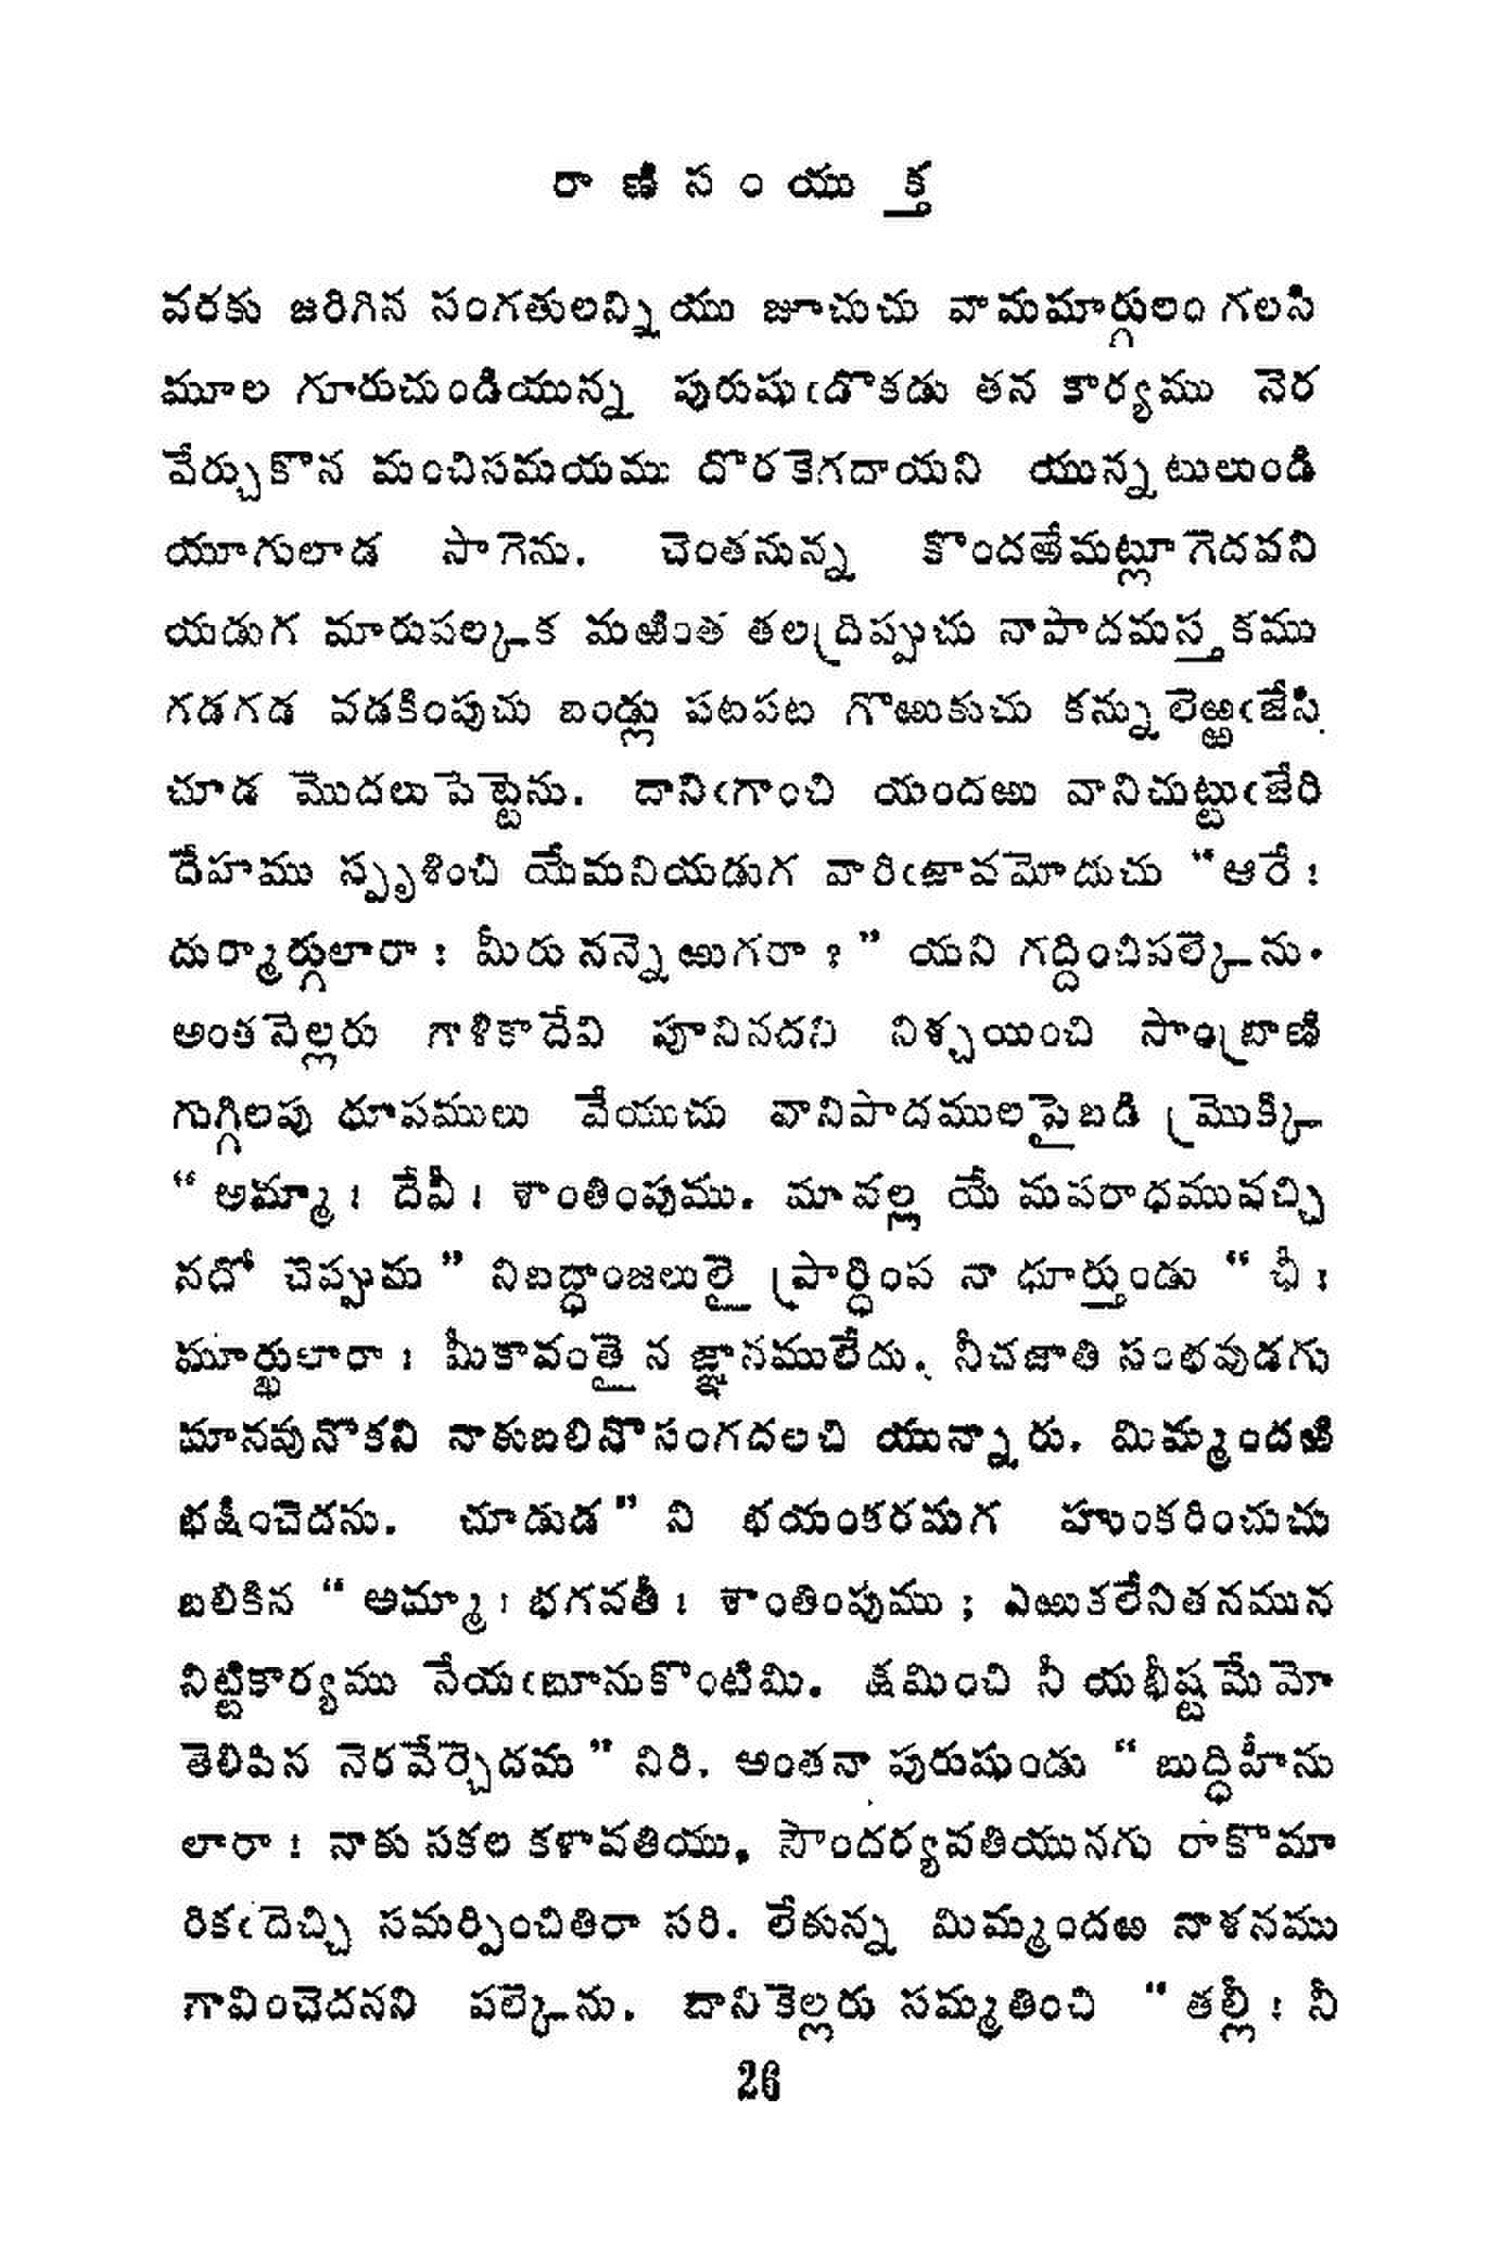వరకు జరిగిన సంగతులన్నియు జూచుచు వామమార్గులం గలసి మూల గూరుచుండియున్న పురుషుఁడొకడు తన కార్యము నెరవేర్చుకొన మంచిసమయము దొరకెగదాయని యున్నటులుండి యూగులాడ సాగెను. చెంతనున్న కొందఱేమట్లూగెదవని యడుగ మారుపల్కక మఱింత తలద్రిప్పుచు నాపాదమస్తకము గడగడ వడకింపుచు బండ్లు పటపట గొఱుకుచు కన్ను లెఱ్ఱఁజేసి చూడ మొదలు పెట్టెను. దానిఁగాంచి యందఱు వానిచుట్టుఁజేరి దేహము స్పృశించి యేమనియడుగ వారిఁజావమోదుచు "ఆరే! దుర్మార్గులార ! మీరు నన్నెఱుగరా?” యని గద్దించిపల్కెను. అంతనెల్లరు గాళికాదేవి పూనినదని నిశ్చయించి సాంబ్రాణి గుగ్గిలపు ధూపములు వేయుచు వానిపాదములపైబడి మ్రొక్కి " అమ్మా ! దేవీ ! శాంతింపుము. మావల్ల యే మపరాధమువచ్చినదో చెప్పుమ" నిబద్దాంజలులై ప్రార్ధింప నా ధూర్తుండు “ ఛీ ! మూర్ఖులారా మీకావంతైన జ్ఞానములేదు. నీచజాతి సంభవుడగు మానవునొకని నాకుబలినొసంగదలచి యున్నారు. మిమ్మందఱి భక్షించెదను. చూడుడ" ని భయంకరమగ హుంకరించుచు బలికిన" అమ్మా ! భగవతీ ! శాంతింపుము ; ఎఱుకలేనితనమున నిట్టికార్యము సేయఁబూనుకొంటిమి. క్షమించి నీ యభీష్టమేమో తెలిపిన నెరవేర్చేదమ" నిరి, అంతనా పురుషుండు "బుద్దిహీనులారా ! నాకు సకల కళావతియు, సౌందర్యవతియునగు రాకొమారికఁదెచ్చి సమర్పించితిరా సరి. లేకున్న మిమ్మందఱ నాశనము గావించెదనని పల్కెను. దానికెల్లరు సమ్మతించి " తల్లీ ! నీ